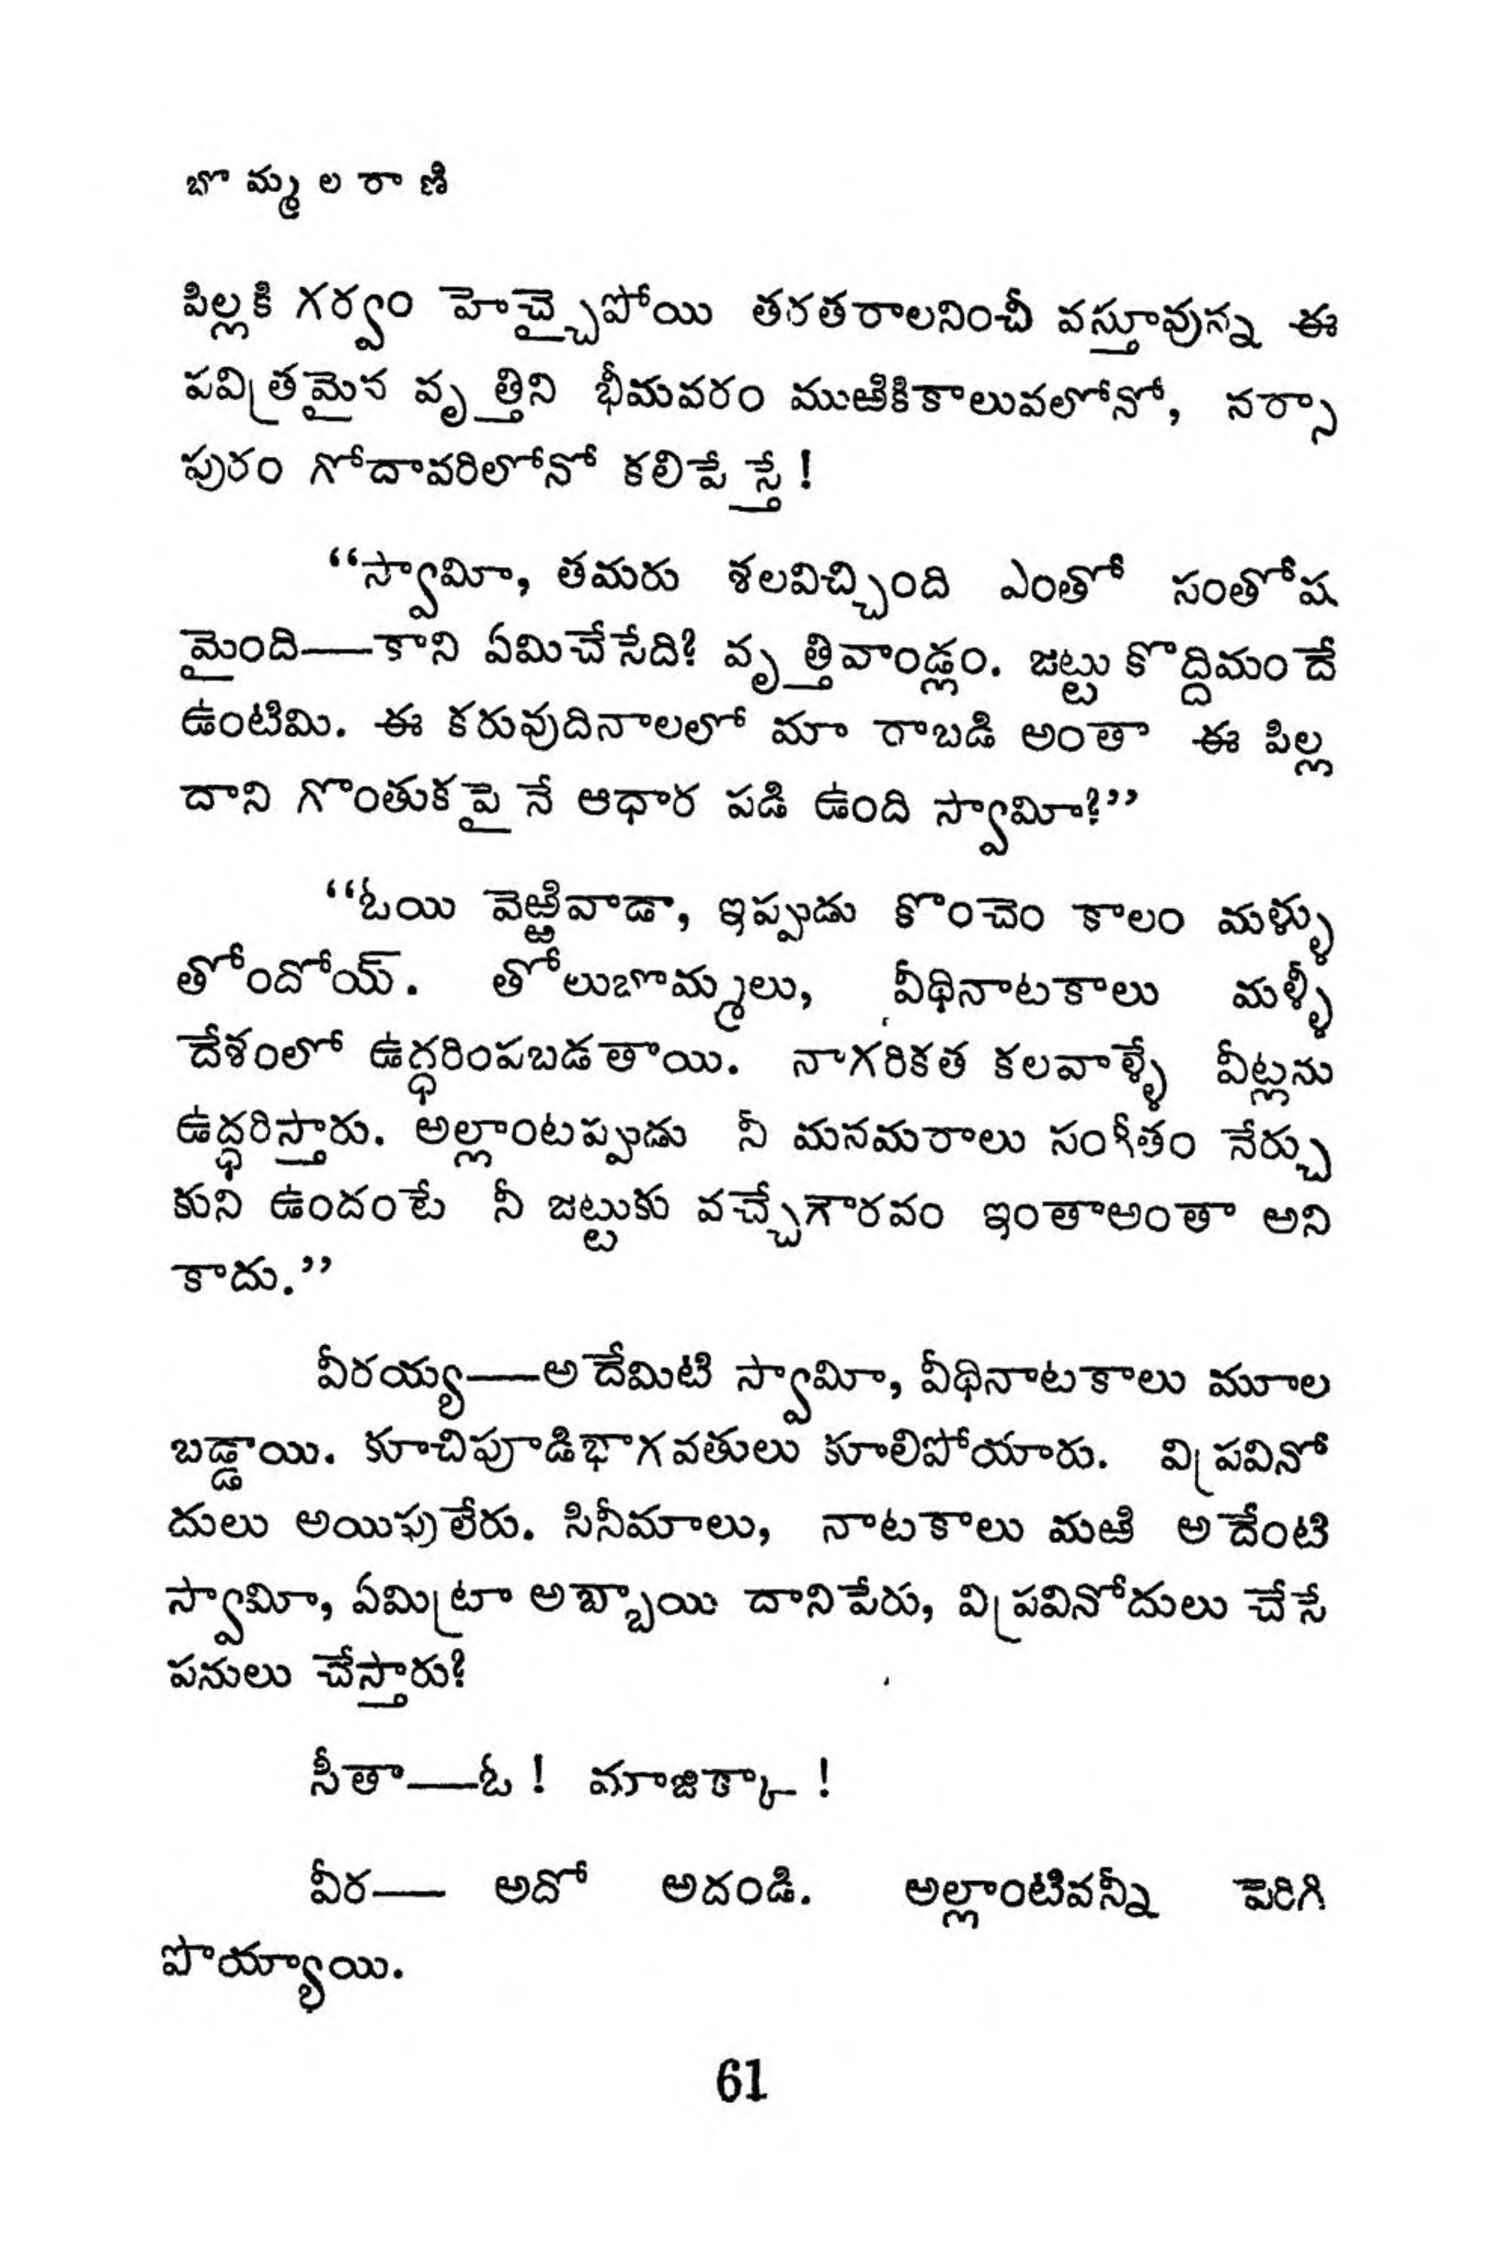పిల్లకి గర్వం హెచ్చైపోయి తరతరాలనించీ వస్తూవున్న ఈ పవిత్రమైన వృత్తిని భీమవరం ముఱికికాలువలోనో, నర్సాపురం గోదావరిలోనో కలిపేస్తే !

"స్వామీ, తమరు శలవిచ్చింది ఎంతో సంతోషమైంది - కాని ఏమిచేసేది? వృత్తివాండ్లం. జట్టు కొద్దిమందే ఉంటిమి. ఈ కరువుదినాలలో మా రాబడి అంతా ఈ పిల్లదాని గొంతుకపైనే ఆధార పడిఉంది. స్వామీ?"

"ఓయి వెఱ్ఱివాడా, ఇప్పుడు కొంచెం కాలం మళ్ళు తోందోయ్. తోలుబొమ్మలు, వీథినాటకాలు మళ్ళీ దేశంలో ఉద్దరింపబడతాయి. నాగరికత కలవాళ్ళే వీట్లను ఉద్ధరిస్తారు. అల్లాంటప్పుడు నీ మనమరాలు సంగీతం నేర్చుకుని ఉందంటే నీ జట్టుకు వచ్చేగౌరవం ఇంతాఅంతా అని కాదు."

వీరయ్య -- అదేమిటి స్వామీ, వీథినాటకాలు మూలబడ్డాయి. కూచిపూడిభాగవతులు కూలిపోయారు. విప్రవినోదులు అయిపులేరు. సినీమాలు, నాటకాలు మఱి అదేంటి స్వామీ, ఏమిట్రా అబ్బాయి దానిపేరు, విప్రవినోదులు చేసే పనులు చేస్తారు?

సీతా -- ఓ ! మాజిక్కా !

వీర -- అదో అదండి. అల్లాంటివన్నీ పెరిగి పొయ్యాయి.